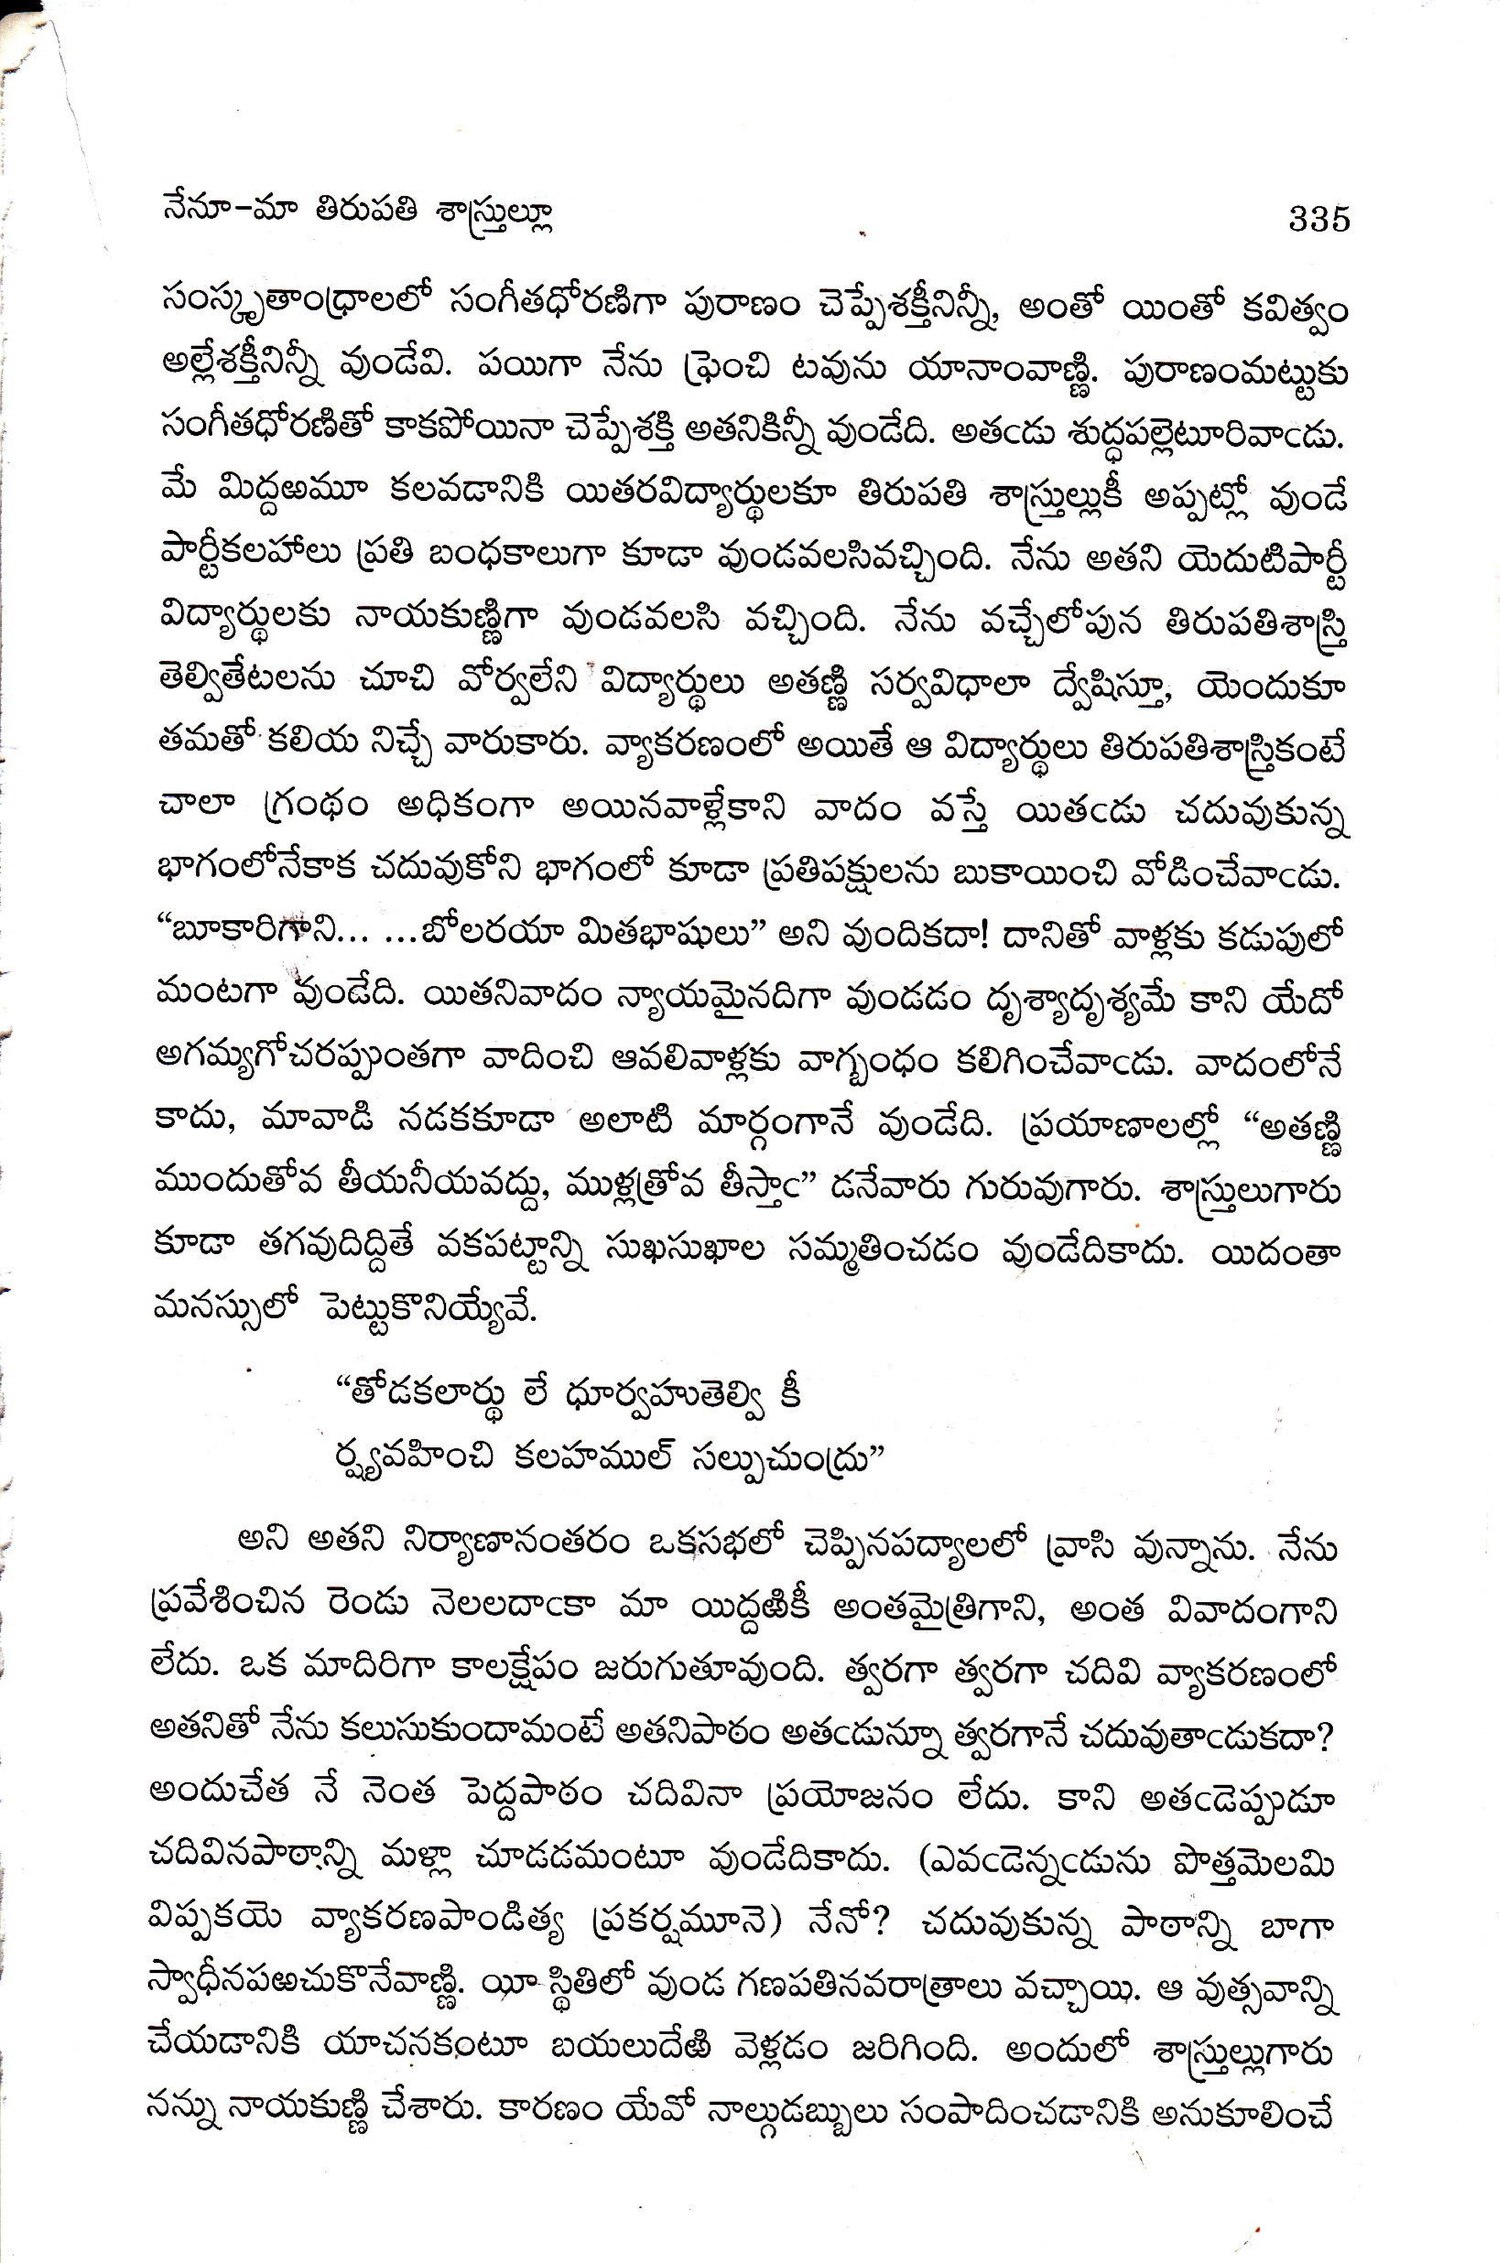సంస్కృతాంధ్రాలలో సంగీతధోరణిగా పురాణం చెప్పేశక్తీనిన్నీ అంతో యింతో కవిత్వం అల్లేశక్తీనిన్నీ వుండేవి. పయిగా నేను ఫ్రెంచి టవును యానాంవాణ్ణి, పురాణంమట్టుకు సంగీతధోరణితో కాకపోయినా చెప్పేశక్తి అతనికిన్నీ వుండేది. అతఁడు శుద్ధపల్లెటూరివాఁడు. మే మిద్దఱమూ కలవడానికి యితరవిద్యార్థులకూ తిరుపతి శాస్త్రుల్లుకీ అప్పట్లో వుండే పార్టీకలహాలు ప్రతి బంధకాలుగా కూడా వుండవలసివచ్చింది. నేను అతని యెదుటిపార్టీ విద్యార్థులకు నాయకుణ్ణిగా వుండవలసి వచ్చింది. నేను వచ్చేలోపున తిరుపతిశాస్త్రి తెల్వితేటలను చూచి వోర్వలేని విద్యార్థులు అతణ్ణి సర్వవిధాలా ద్వేషిస్తూ, యెందుకూ తమతో కలియ నిచ్చేవారుకారు. వ్యాకరణంలో అయితే ఆ విద్యార్థులు తిరుపతిశాస్త్రికంటే చాలా గ్రంథం అధికంగా అయినవాళ్లేకాని వాదం వస్తే యితఁడు చదువుకున్న భాగంలోనేకాక చదువుకోని భాగంలో కూడా ప్రతిపక్షులను బుకాయించి వోడించేవాcడు. “బూకారిగాని... ... బోలరయా మితభాషులు” అని వుందికదా! దానితో వాళ్లకు కడుపులో మంటగా వుండేది. యితనివాదం న్యాయమైనదిగా వుండడం దృశ్యాదృశ్యమే కాని యేదో అగమ్యగోచరప్పుంతగా వాదించి ఆవలివాళ్లకు వాగ్బంధం కలిగించేవాcడు. వాదంలోనే కాదు, మావాడి నడకకూడా అలాటి మార్గంగానే వుండేది. ప్రయాణాలల్లో “అతణ్ణి ముందుతోవ తీయనీయవద్దు, ముళ్లత్రోవ తీస్తాఁ" డనేవారు గురువుగారు. శాస్త్రులుగారు కూడా తగవుదిద్దితే వకపట్టాన్ని సుఖసుఖాల సమ్మతించడం వుండేదికాదు. యిదంతా మనస్సులో పెట్టుకొనియ్యేవే.

“తోడకలార్థు లే ధూర్వహుతెల్వికీ 
 ర్ష్యవహించి కలహముల్ సల్పుచుంద్రు"
అని అతని నిర్యాణానంతరం ఒకసభలో చెప్పినపద్యాలలో వ్రాసి వున్నాను. నేను ప్రవేశించిన రెండు నెలలదాఁకా మా యిద్దఱికీ అంతమైత్రిగాని, అంత వివాదంగాని లేదు. ఒక మాదిరిగా కాలక్షేపం జరుగుతూవుంది. త్వరగా త్వరగా చదివి వ్యాకరణంలో అతనితో నేను కలుసుకుందామంటే అతనిపాఠం అతఁడున్నూత్వరగానే చదువుతాఁడుకదా? అందుచేత నే నెంత పెద్దపాఠం చదివినా ప్రయోజనం లేదు. కాని అతఁడెప్పుడూ చదివినపాఠాన్ని మళ్లా చూడడమంటూ వుండేదికాదు. (ఎవఁడెన్నఁడును పొత్తమెలమి విప్పకయె వ్యాకరణపాండిత్య ప్రకర్షమూనె) నేనో? చదువుకున్న పాఠాన్ని బాగా స్వాధీనపఱచుకొనేవాణ్ణి. యిూ. స్థితిలో వుండ గణపతినవరాత్రాలు వచ్చాయి. ఆ వుత్సవాన్ని చేయడానికి యాచనకంటూ బయలుదేఱి వెళ్లడం జరిగింది. అందులో శాస్త్రుల్లుగారు నన్ను నాయకుణ్ణి చేశారు. కారణం యేవో నాల్గుడబ్బులు సంపాదించడానికి అనుకూలించే